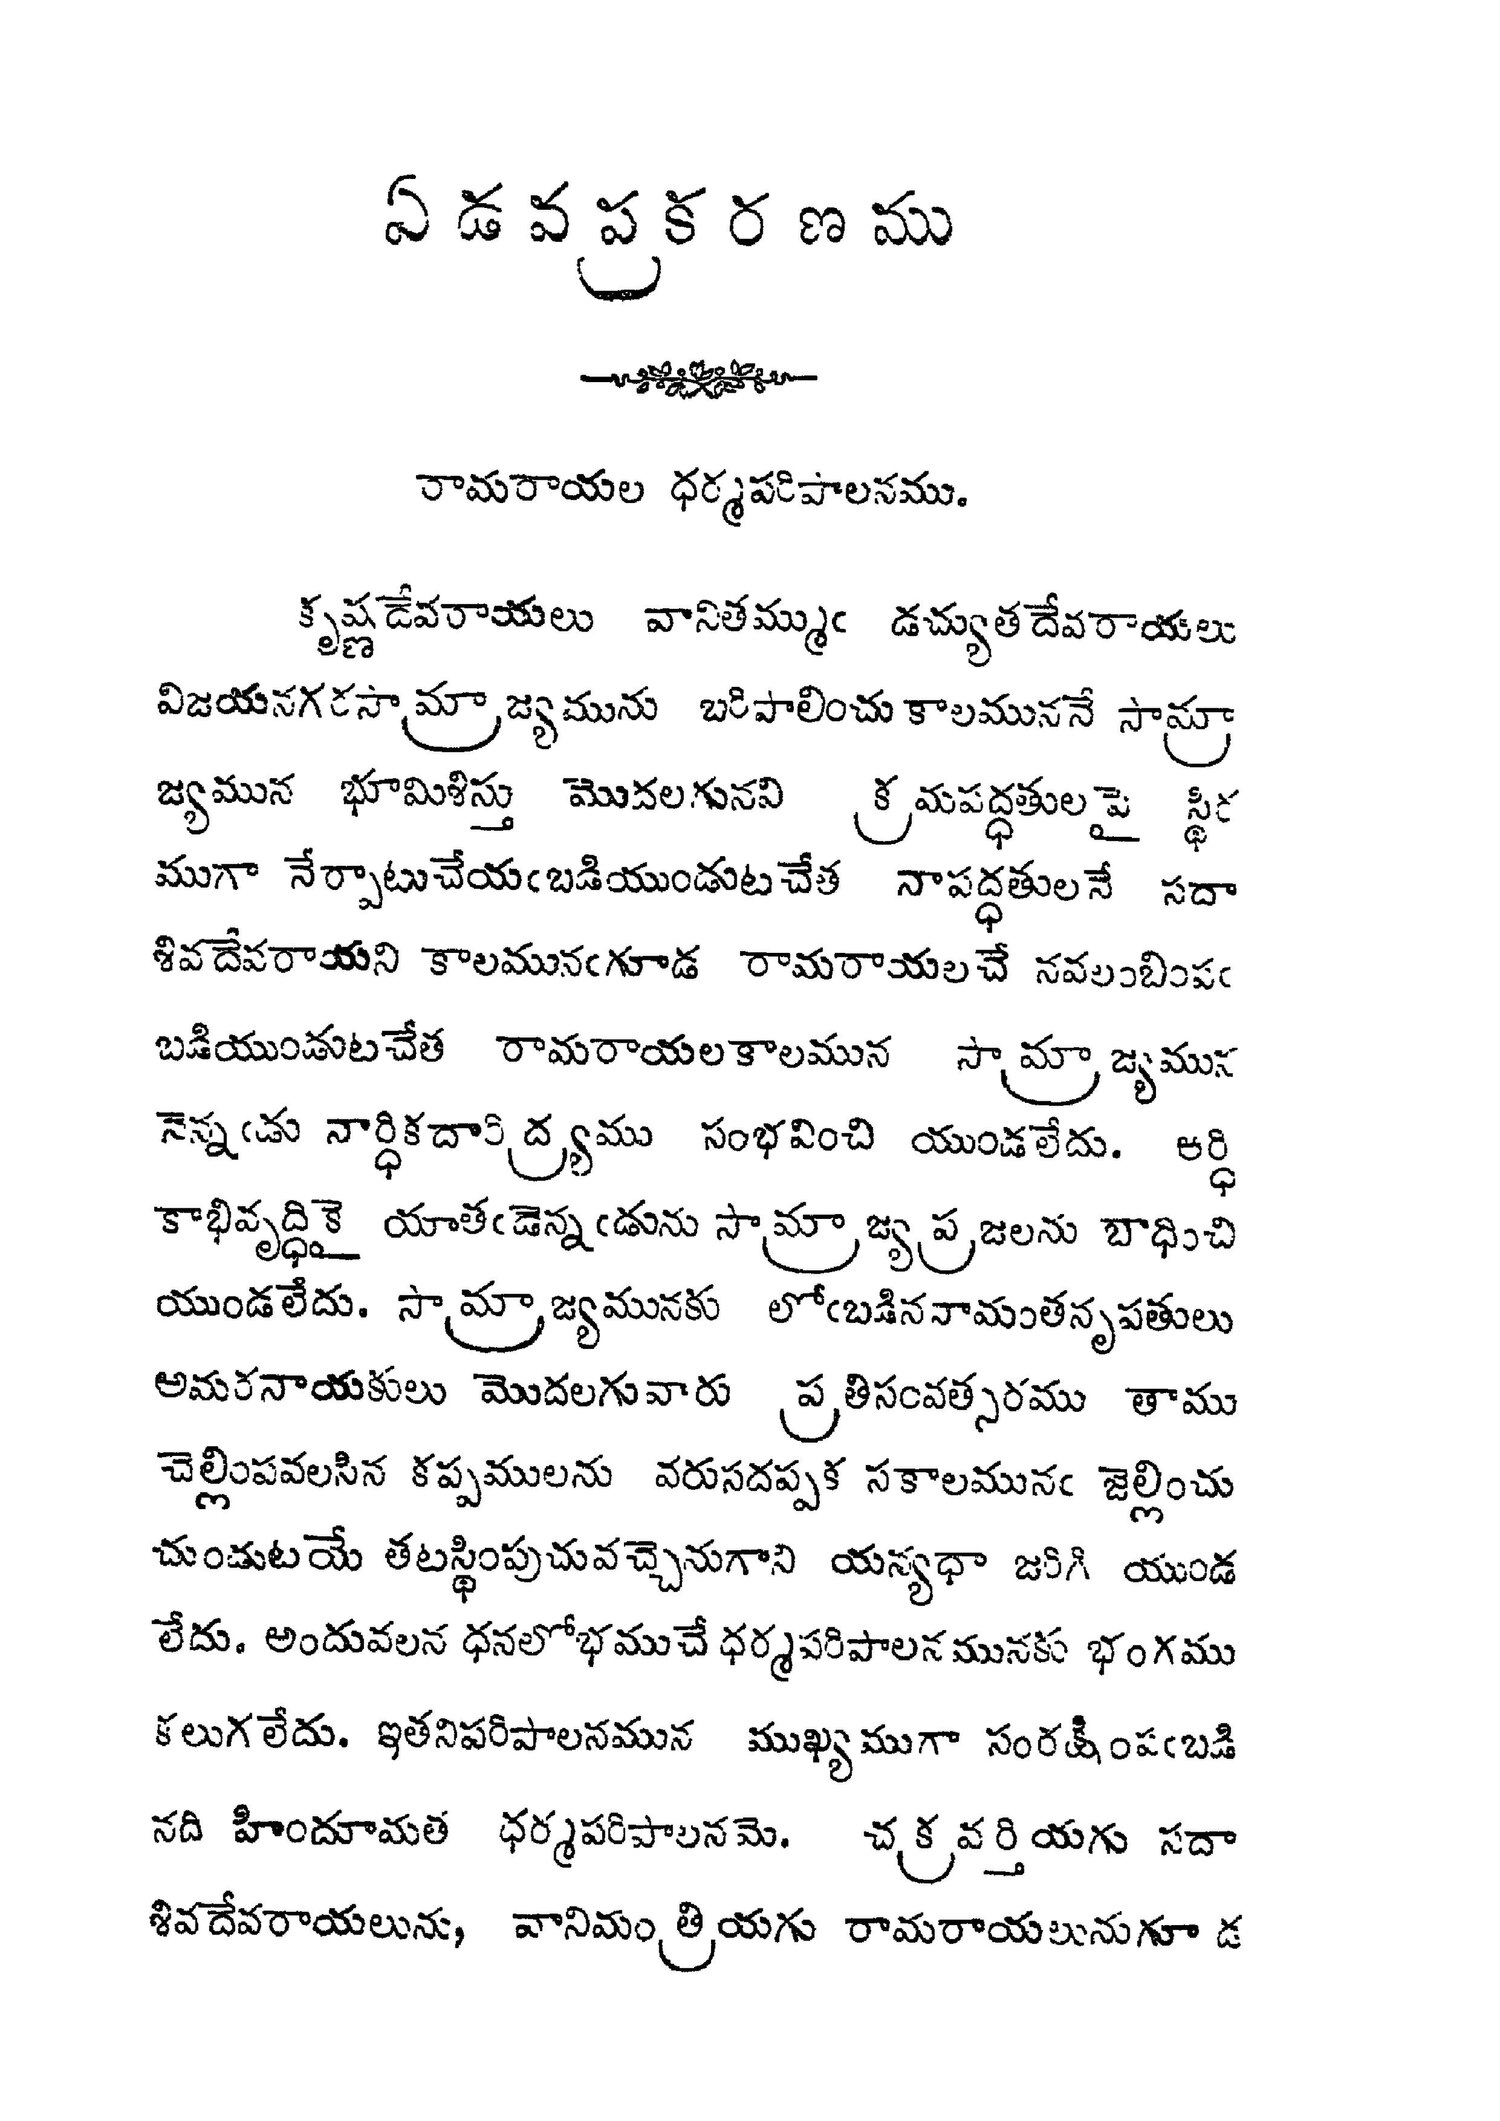కృష్ణదేవరాయలు వానితమ్ము డచ్యుతదేవరాయలు విజయనగరసామ్రాజ్యమును బరిపాలించు కాలముననే సామ్రాజ్యమున భూమిశిస్తు మొదలగునవి క్రమపద్ధతులపై స్థిరముగా నేర్పాటుచేయబడియుండుటచేత నాపద్ధతులనే సదాశివదేవరాయని కాలమునగూడ రామరాయలచే నవలంబింప బడియుండుటచేత రామరాయలకాలమున సామ్రాజ్యమున నెన్నడు నార్ధికదారిద్ర్యము సంభవించి యుండలేదు. ఆర్ధికాభివృద్ధికై యాతడెన్నడును సామ్రాజ్యప్రజలను బాధించియుండలేదు. సామ్రాజ్యమునకు లోబడినసామంతనృపతులు అమరనాయకులు మొదలగువారు ప్రతిసంవత్సరము తాము చెల్లింపవలసిన కప్పములను వరుసదప్పక సకాలమున జెల్లించు చుండుటయే తటస్థింపుచువచ్చెనుగాని యన్యధా జరిగి యుండలేదు. అందువలన ధనలోభముచే ధర్మపరిపాలనమునకు భంగము కలుగలేదు. ఇతని పరిపాలనమున ముఖ్యముగా సంరక్షింపబడినది హిందూమత ధర్మపరిపాలనమె. చక్రవర్తియగు సదాశివదేవరాయలును, వానిమంత్రియగు రామరాయలునుగూడ